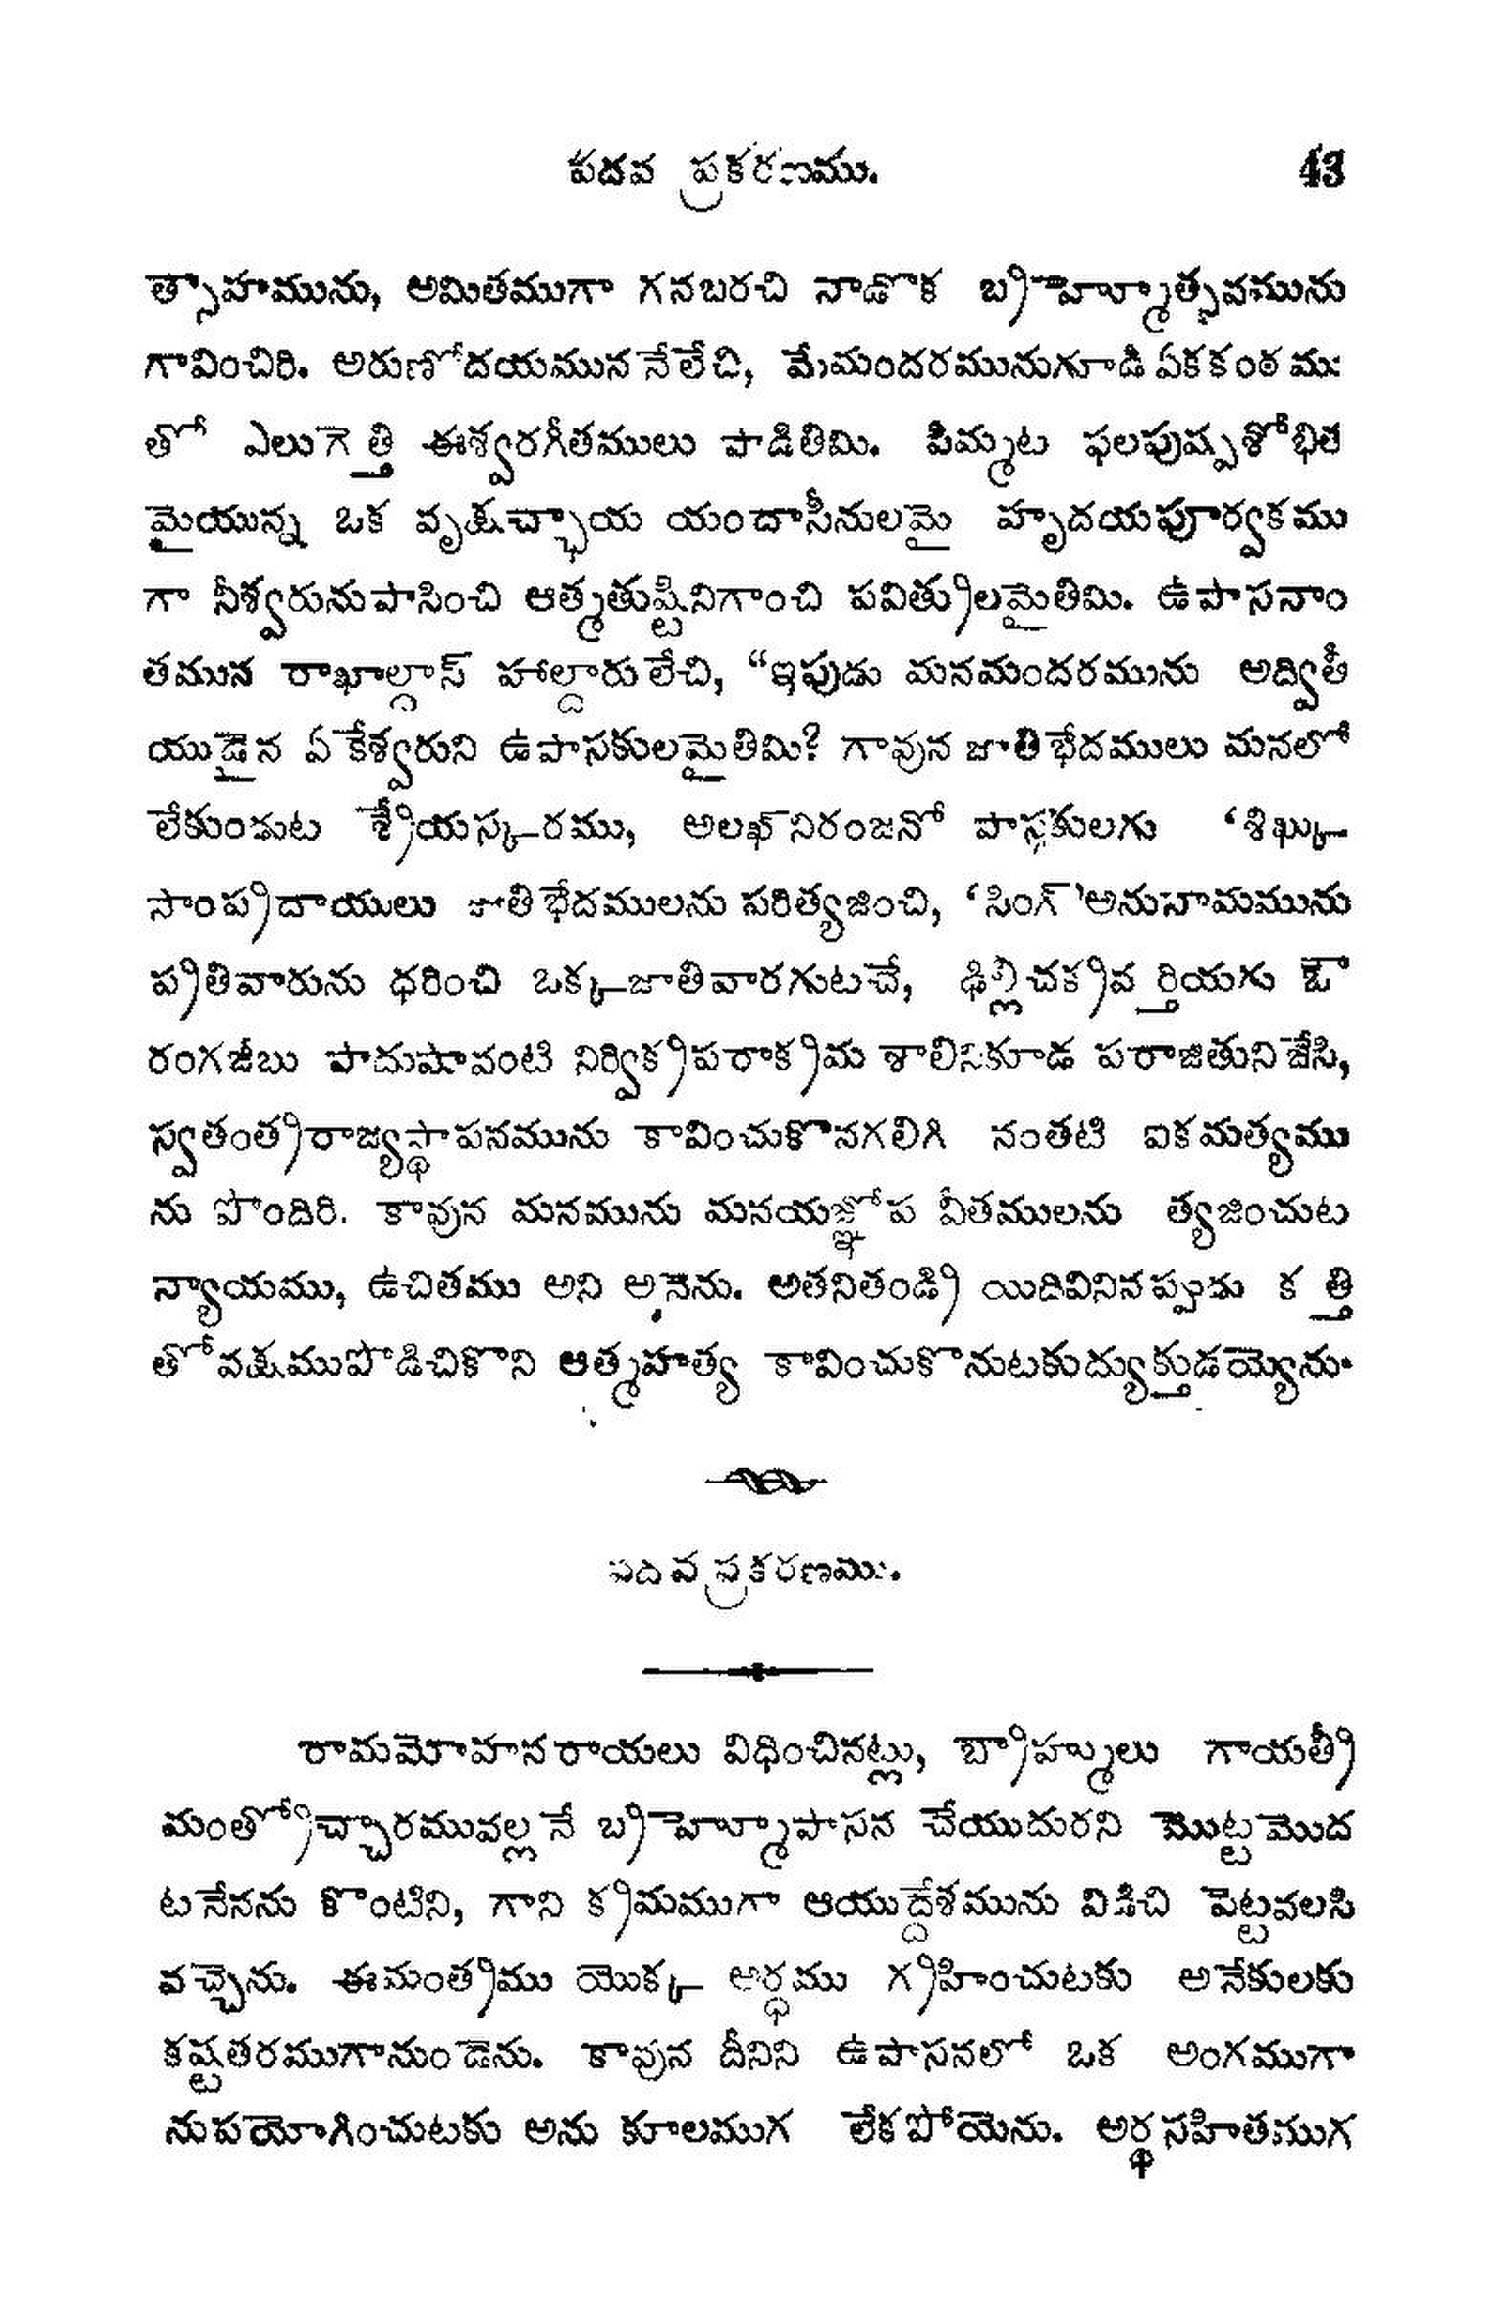త్సాహమును, అమితముగా గనబరచి నాడొక బ్రహ్మూత్సవమును
గావించిరి. అరుణోదయముననే లేచి, మేమందరమును గూడి ఏకకంఠముతో 
ఎలుగెత్తి ఈశ్వరగీతములు పాడితిమి. పిమ్మట ఫలపుష్పశోభిత
మైయున్న ఒక వృక్షచ్ఛాయ యందాసీనులమై హృదయపూర్వకము
గా నీశ్వరునుపాసించి ఆత్మతుష్టి నిగాంచి పవిత్రులమైతిమి. ఉపాసనాం
తమున రాఖాల్దాస్ హాల్దారు లేచి, “ఇపుడు మనమందరమును అద్వితీ
యుడైన ఏకేశ్వరుని ఉపాసకులమైతిమి? గావున జూతి భేదములు మనలో
లేకుండుట శ్రేయస్కరము, అలఖ్ నిరంజనో పాసకులగు 'శిఖ్కు-
సాంప్రదాయులు జాతి భేదములను పరిత్యజించి, 'సింగ్ 'అను నామమును
ప్రతివారును ధరించి ఒక్క జాతీవారగుటచే, ఢిల్లీచక్రవర్తి యగు
ఔరంగజేబు పాదుషా వంటి నిర్విక్రపరాక్రమ శాలిని కూడ పరాజితుని జేసి,
స్వతంత్ర రాజ్య స్థాపనస్థాపనమును కావించు కొనగలిగి నంతటి ఐకమత్యము
ను పొందిరి. కావున మనమును మనయజ్ఞోపవీతములను త్యజించుట
న్యాయము, ఉచితము అని అనెను. అతని తండ్రి యిదివిని నప్పుడు కత్తి
తోవక్షమున పొడిచికొని ఆత్మహత్య కావించుకొనుట కుద్యుక్తుడయ్యెను.

రామమోహన రాయలు విధించినట్లు, బ్రాహ్ములు గాయత్రీ
మంత్రోచ్చారము వల్లనే బ్రహ్మోపాసన చేయుదురని మొట్టమొదట 
నేనను కొంటిని, గాని క్రమముగా ఆయుద్దేశమును విడిచి పెట్టవలసి
వచ్చెను. ఈమంత్రము యొక్క అర్ధము గ్రహించుటకు అనేకులకు
కష్టతరముగా నుండెను. కావున దీనిని ఉపాసనలో ఒక అంగముగా
నుపయోగించుటకు అను కూలముగ లేక పోయెను. అర్థ సహితముగ